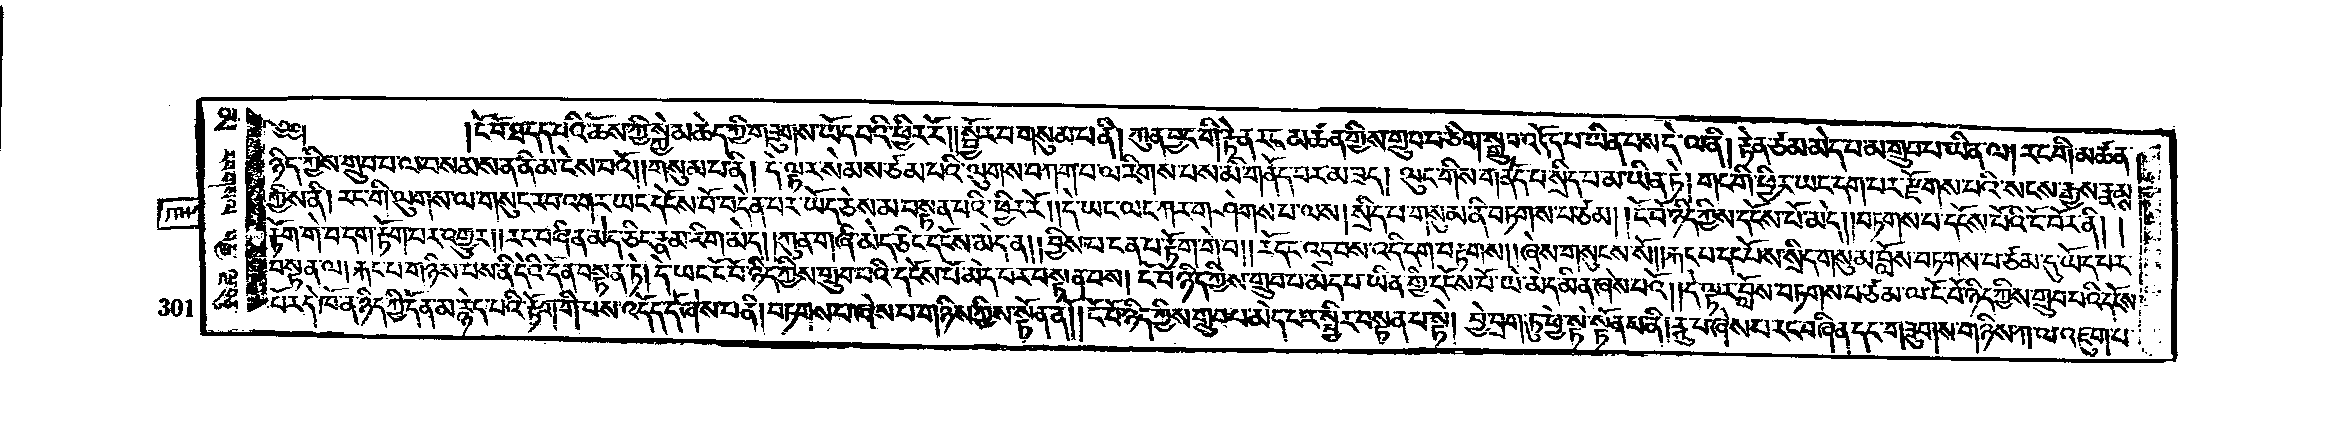༄༅། །ངོ་བོ་ཐ་དད་པའི་ཆོས་ཀྱི་སྐྱེ་མཆེད་ཀྱི་གཟུགས་ཡོད་པའི་ཕྱིར་རོ། །སྦྱོར་བ་གསུམ་པ་ནི། ཀུན་བྱང་གི་རྟེན་རང་མཚན་གྱིས་གྲུབ་པ་ཅིག་སྒྲུབ་འདོད་པ་ཡིན་པས་དེ་ལ་ནི། རྟེན་ཙམ་མེད་པ་མ་གྲུབ་པ་ཡིན་ལ། རང་གི་མཚན་
ཉིད་ཀྱིས་གྲུབ་པ་ལ་བསམས་ན་ནི་མ་ངེས་པའོ། །གསུམ་པ་ནི། དེ་ལྟར་སེམས་ཙམ་པའི་ལུགས་བཀག་པ་ལ་རིགས་པས་མི་གནོད་པར་མ་ཟད། ལུང་གིས་གནོད་པ་སྲིད་པ་མ་ཡིན་ཏེ། གང་གི་ཕྱིར་ཡང་དག་པར་རྫོགས་པའི་སངས་རྒྱས་རྣམས་
ཀྱིས་ནི། རང་གི་ལུགས་ལ་གསུང་རབ་འགར་ཡང་དངོས་པོ་བདེན་པར་ཡོད་ཅེས་མ་བསྟན་པའི་ཕྱིར་རོ། །དེ་ཡང་ལང་ཀར་གཤེགས་པ་ལས། སྲིད་པ་གསུམ་ནི་བཏགས་པ་ཙམ། །ངོ་བོ་ཉིད་ཀྱིས་དངོས་པོ་མེད། །བཏགས་པ་དངོས་པོའི་ངོ་བོར་ནི། །
རྟོག་གེ་བ་དག་རྟོག་པར་འགྱུར། །རང་བཞིན་མེད་ཅིང་རྣམ་རིག་མེད། །ཀུན་གཞི་མེད་ཅིང་དངོས་མེད་ན། །བྱིས་པ་ངན་པ་རྟོག་གེ་བ། །རོ་དང་འདྲ་བས་འདི་དག་བརྟགས། །ཞེས་གསུངས་སོ། །རྐང་པ་དང་པོས་སྲིད་གསུམ་བློས་བཏགས་པ་ཙམ་དུ་ཡོད་པར་
བསྟན་ལ། རྐང་པ་གཉིས་པས་ནི་དེའི་དོན་བསྟན་ཏེ། དེ་ཡང་ངོ་བོ་ཉིད་ཀྱིས་གྲུབ་པའི་དངོས་པོ་མེད་པར་བསྟན་པས། ངོ་བོ་ཉིད་ཀྱིས་གྲུབ་པ་མེད་པ་ཡིན་གྱི་དངོས་པོ་ཡེ་མེད་མིན་ཞེས་པའོ། །དེ་ལྟར་བློས་བཏགས་པ་ཙམ་ལ་ངོ་བོ་ཉིད་ཀྱིས་གྲུབ་པའི་དངོས་
པོར་དེ་ཁོ་ན་ཉིད་ཀྱི་དོན་མ་རྙེད་པའི་རྟོག་གེ་པས་འདོད་དོ་ཞེས་པ་ནི། བཏགས་པ་ཞེས་པ་གཉིས་ཀྱིས་སྟོན་ནོ། །ངོ་བོ་ཉིད་ཀྱིས་གྲུབ་པ་མེད་པར་སྤྱིར་བསྟན་པ་སྟེ། བྱེ་བྲག་ཏུ་ཕྱེ་སྟེ་སྟོན་པ་ནི། རཱུ་པ་ཞེས་པ་རང་བཞིན་དང་གཟུགས་གཉིས་ཀ་ལ་འཇུག་པ་